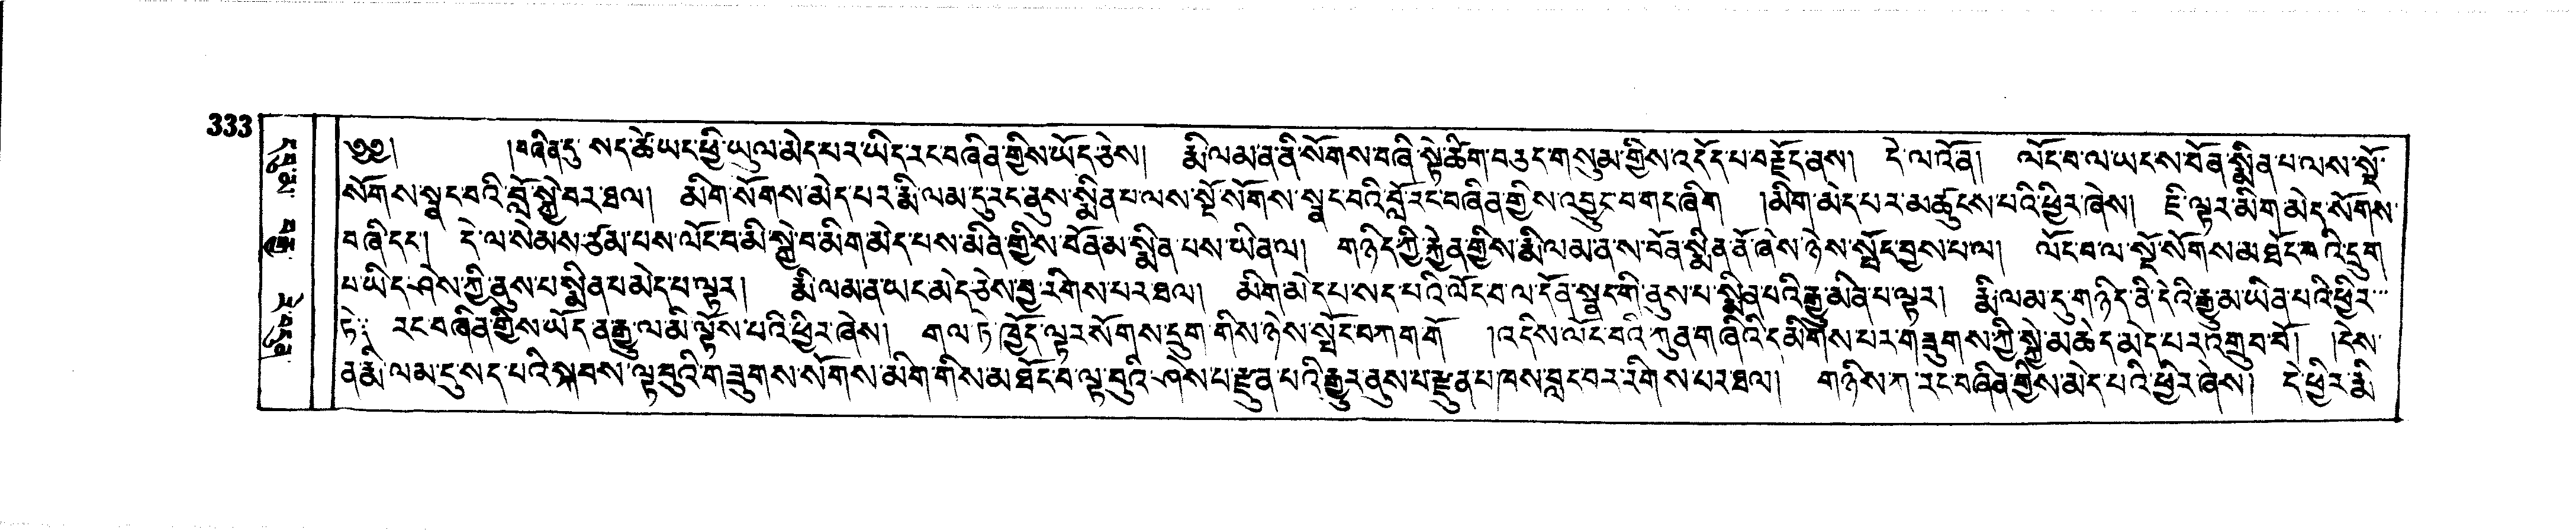༄༅། །བཞིན་དུ་སད་ཚེ་ཡང་ཕྱི་ཡུལ་མེད་པར་ཡིད་རང་བཞིན་གྱིས་ཡོད་ཅེས། རྨི་ལམ་ན་ནི་སོགས་བཞི་སྟེ་ཚིག་བཅད་གསུམ་གྱིས་འདོད་པ་བརྗོད་ནས། དེ་ལ་འོ་ན། ལོང་བ་ལ་ཡང་ས་བོན་སྨིན་པ་ལས་སྔོ་
སོགས་སྣང་བའི་བློ་སྐྱེ་བར་ཐལ། མིག་སོགས་མེད་པར་རྨི་ལམ་དུ་རང་ནུས་སྨིན་པ་ལས་སྔོ་སོགས་སྣང་བའི་བློ་རང་བཞིན་གྱིས་འབྱུང་བ་གང་ཞིག །མིག་མེད་པར་མཚུངས་པའི་ཕྱིར་ཞེས། ཇི་ལྟར་མིག་མེད་སོགས་
བཞི་དང་། དེ་ལ་སེམས་ཙམ་པས་ལོང་བ་མི་སྐྱེ་བ་མིག་མེད་པས་མིན་གྱི་ས་བོན་མ་སྨིན་པས་ཡིན་ལ། གཉིད་ཀྱི་རྐྱེན་གྱིས་རྨི་ལམ་ན་ས་བོན་སྨིན་ནོ་ཞེས་ཉེས་སྤོང་བྱས་པ་ལ། ལོང་བ་ལ་སྔོ་སོགས་མཐོང་བའི་དྲུག་
པ་ཡིད་ཤེས་ཀྱི་ནུས་པ་སྨིན་པ་མེད་པ་མེད་པ་ལྟར། རྨི་ལམ་ན་ཡང་མེད་ཅེས་བྱ་རིགས་པར་ཐལ། མིག་མེད་པ་སད་པའི་ལོང་བ་ལ་དོན་སྣང་གི་ནུས་པ་སྨིན་པའི་རྒྱུ་མིན་པ་ལྟར། རྨི་ལམ་དུ་གཉིད་ནི་དེའི་རྒྱུ་མ་ཡིན་པའི་ཕྱིར་
ཏེ༑ རང་བཞིན་གྱིས་ཡོད་ན་རྒྱུ་ལ་མི་ལྟོས་པའི་ཕྱིར་ཞེས། གལ་ཏེ་ཁྱོད་ལྟར་སོགས་དྲུག་གིས་ཉེས་སྤོང་བཀག་གོ །འདིས་ལོང་བའི་ཀུན་གཞིའི་དམིགས་པར་གཟུགས་ཀྱི་སྐྱེ་མཆེད་མེད་པར་འགྲུབ་བོ། །དེས་
ན་རྨི་ལམ་དུ་སད་པའི་སྐབས་ལྟ་བུའི་གཟུགས་སོགས་མིག་གིས་མཐོང་བ་ལྟ་བུའི་ཤེས་པ་རྫུན་པའི་རྒྱུར་ནུས་པ་རྫུན་པ་ཁས་བླང་བར་རིགས་པར་ཐལ། གཉིས་ཀ་རང་བཞིན་གྱིས་མེད་པའི་ཕྱིར་ཞེས། དེ་ཕྱིར་རྨི་